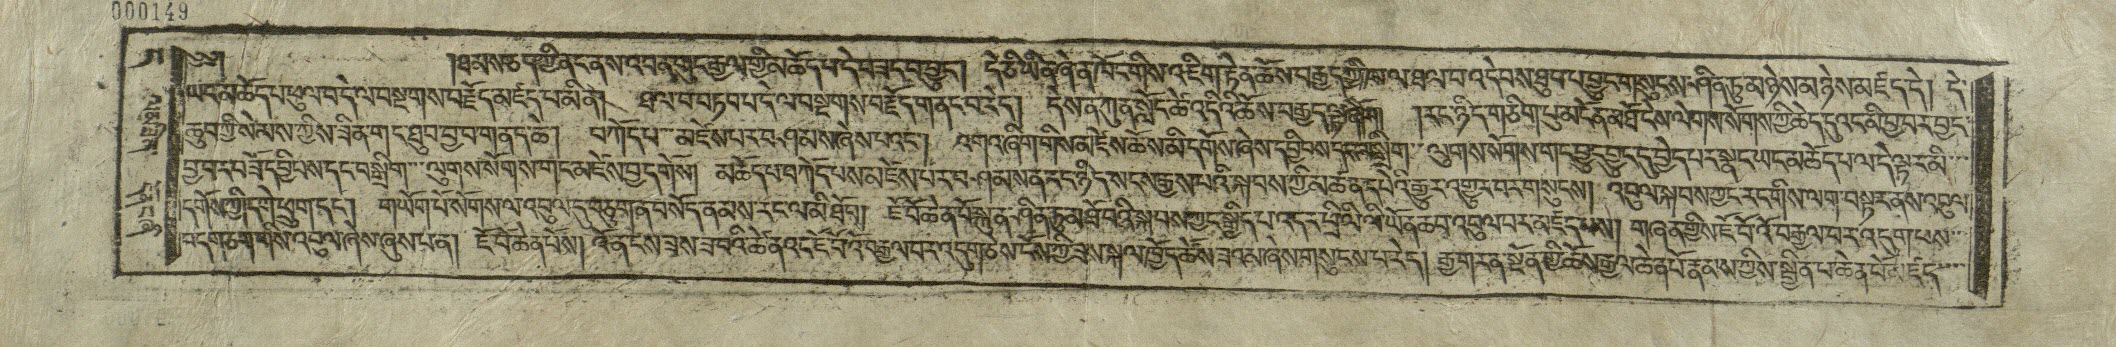༄༅། །ཐམས་ཅད་ཀྱི་ནང་ནས་འབན་གུང་རྒྱལ་གྱི་མཆོད་པ་དེ་བཟང་བ་བྱུང་། དེ་ཅི་ཡིན་ཞེ་ན་ཁོང་གིས་འཇིག་རྟེན་ཆོས་བརྒྱད་ཀྱི་ཁ་ལ་ཐལ་བ་འདེབས་ཐུབ་པ་བྱུང་གསུངས་ཤིན་ཏུ་མཉེས་མཉེས་མཛད་དེ། དེ་
ཡང་མཆོད་པ་ཕུལ་བ་དེ་ལ་བསྔགས་བརྗོད་མཛད་པ་མིན། ཐལ་བ་བཏབ་པ་དེ་ལ་བསྔགས་བརྗོད་གནང་བ་རེད། དེས་ན་ཀུན་སློང་ཚེ་འདིའི་ཆོས་བརྒྱད་ལྟ་ཞོག་རང་ཉིད་གཅིག་པུ་མངོན་མཐོ་ངེས་ལེགས་སོགས་ཀྱི་ཆེད་དུའང་མི་བྱ་བར་བྱང་
ཆུབ་ཀྱི་སེམས་ཀྱིས་ཟིན་གང་ཐུབ་བྱ་བ་གནད་ཆེ། བཀོད་པ་མཛེས་པར་བཤམས་ཞེས་པའང་། འགའ་ཞིག་གིས་མཛེས་ཆོས་མི་དགོས་ཞེས་དབྱིབས་དང་བསྒྲིག་ལུགས་སོགས་གང་བྱུང་བྱུང་དུ་བྱེད་པར་སྣང་ཡང་མཆོད་པ་ལ་དེ་ལྟར་མི་
བྱ་བར་བཟོ་དབྱིབས་དང་བསྒྲིག་ལུགས་སོགས་གང་མཛེས་བྱ་དགོས། མཆོད་པ་བཀོད་པས་མཛེས་པར་བཤམས་ན་རང་ཉིད་སངས་རྒྱས་པའི་སྐབས་ཀྱི་མཚན་དཔེའི་རྒྱུར་འགྱུར་བར་གསུངས། འབུལ་སྐབས་ཀྱང་རང་གིས་ལག་བསྟར་ནས་འབུལ་
དགོས་ཀྱི། དགེ་ཕྲུག་དང་། གཡོག་པོ་སོགས་ལ་འབུལ་དུ་བཅུག་ན་བསོད་ནམས་རང་ལ་མི་ཐོབ། ཇོ་བོ་ཆེན་པོ་སྐུ་ན་ཤིན་ཏུ་མཐོ་བའི་སྐབས་ཀྱང་སྒྱིད་པ་འདར་ཕྲི་ལི་ལི་ཡོན་ཆབ་འབུལ་བར་མཛད་པས། གཞན་གྱིས་ཇོ་བོའོ་བརྒྱལ་བར་འདུག་པས་
བདག་ཅག་གིས་འབུལ་ཞེས་ཞུས་པ་ན། ཇོ་བོ་ཆེན་པོས། འོ་ན་ངས་ཟས་ཟ་བའི་ཚེ་ནའང་ཇོ་བོའོ་བརྒྱལ་བར་འདུག་ཅེས་ངོས་ཀྱི་ཟས་སྐལ་ཁྱོད་ཚོས་ཟའམ་ཞེས་གསུངས་པ་རེད། རྒྱ་གར་ན་སྔོན་གྱི་ཆོས་རྒྱལ་ཆེན་པོ་རྣམས་ཀྱིས་སྦྱིན་པ་ཆེན་པོ་མཛད་